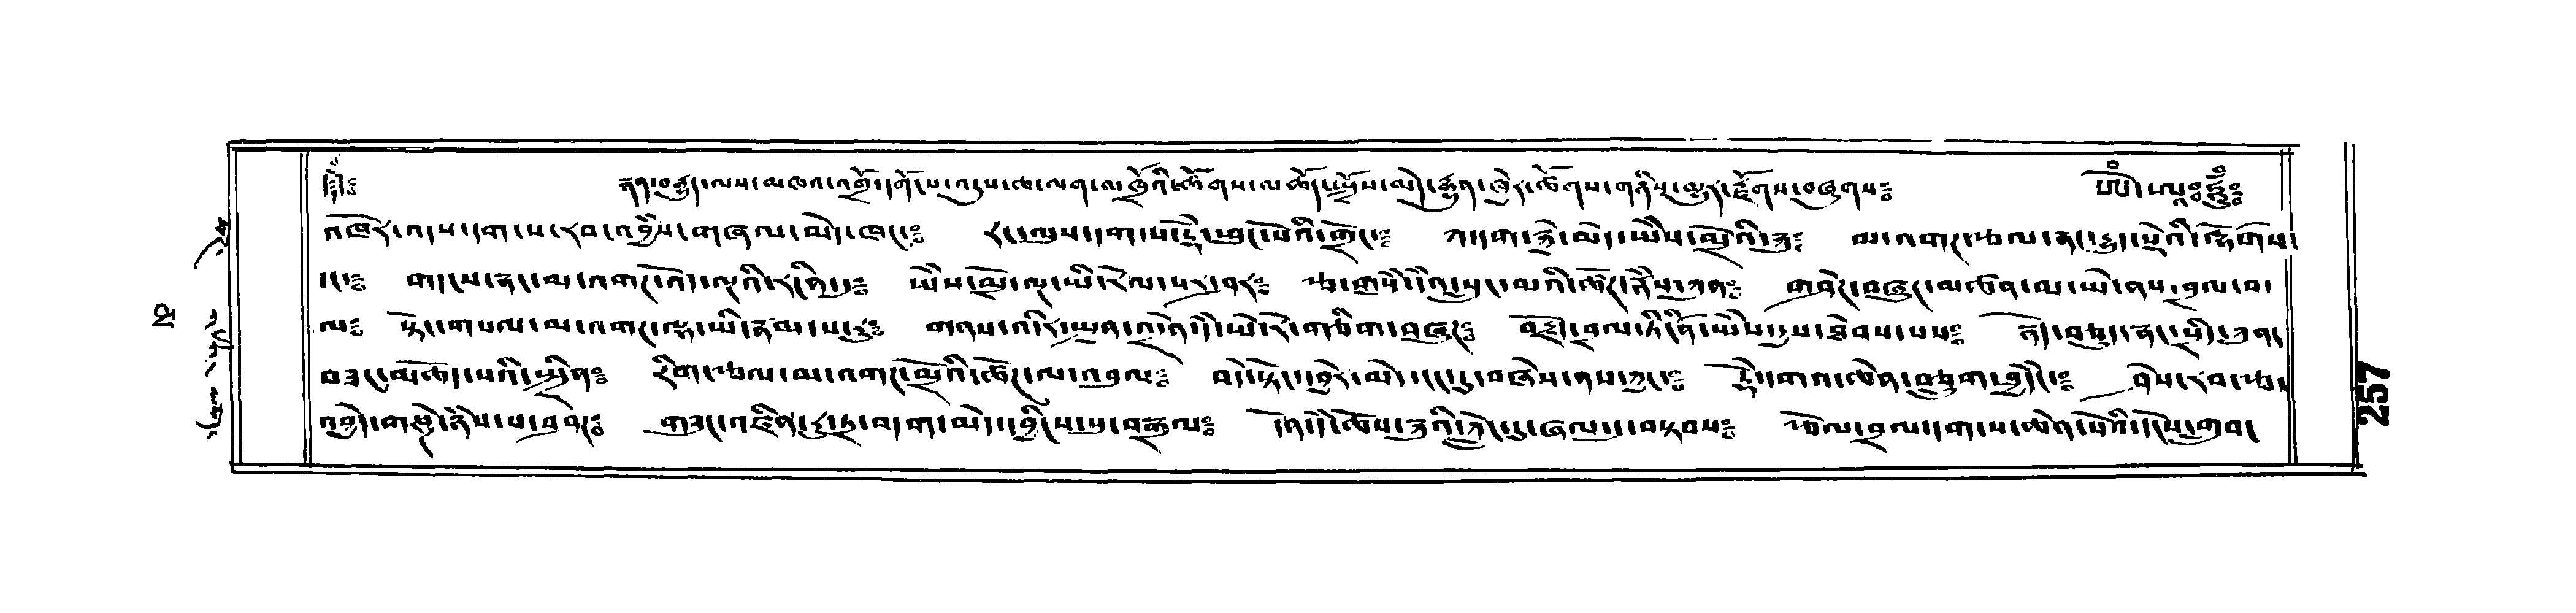སྙན་བརྒྱུད་ལས་མཁའ་འགྲོ་དགོངས་འདུས་ཆ་ལག་མཁའ་འགྲོའི་ཚོགས་མཆོད་སྤྲོས་མེད་རྒྱུན་ཁྱེར་ཚོགས་གཉིས་མྱུར་རྫོགས་བཞུགས༔ ཨོཾ་ཨཱཿཧཱུྃ༔ 
འཁོར་འདས་དག་པ་རབ་འབྱམས་གཞལ་མེད་ཁང༔ རང་ལུས་དག་པ་རྡོ་རྗེ་ཕུང་པོའི་གྲོང༔ ཀ་དག་སྐྱེ་མེད་ཡེ་ཤེས་མཁའ་འགྲོའི་སྐུ༔ མ་འགགས་རྩལ་སྣང་རྒྱུད་སྡེའི་ལྷ་ཚོགས་
དང༔ གདངས་སྣང་མ་འགགས་འོད་ལྔའི་རང་བཞིན་དུ༔ ཡེ་ཤེས་མཁའ་འགྲོ་ལྔ་ཡི་རོལ་པར་ཤར༔ རྩ་གསུམ་དམ་ཅན་སྲུང་མའི་ཚོགས་རྣམས་ཀུན༔ གཤེགས་བཞུགས་མཚན་མ་ཡེ་ནས་བྲལ་བ་
ལ༔ སྟོང་གསལ་མ་འགགས་ལྷ་ཡི་རྣམ་པ་རུ༔ གནས་འདིར་སྤྱན་འདྲེན་དམ་ཡེ་རོ་གཅིག་བཞུགས༔ བརྗོད་བྲལ་ཏིང་འཛིན་ཡེ་ཤེས་རྒྱས་ཐེབས་པས༔ སྣོད་བཅུད་སྣང་སྲིད་ཀུན་
བཟང་མཆོད་པའི་སྤྲིན༔ རིག་རྩལ་མ་འགགས་མཁའ་འགྲོའི་ཚོགས་ལ་འབུལ༔ བདེ་སྟོང་དབྱེར་མེད་ངང་དུ་བཞེས་ནས་ཀྱང༔ རྡོ་རྗེ་དགའ་ཆེན་བཅུ་དྲུག་ཐུགས་དམ་བསྐང༔ ཤེས་རབ་རྩ་
འབྱེད་གཎྜེ་ཉམས་པ་བཤགས༔ གཟུང་འཛིན་རུ་ཏྲ་བདག་མེད་དབྱིངས་སུ་བསྒྲལ༔ དོན་དམ་ཆོས་སྐུའི་ཀློང་དུ་ཞལ་དུ་བསྟབས༔ རྩོལ་བྲལ་དག་པ་ཆེན་པོའི་དངོས་གྲུབ་